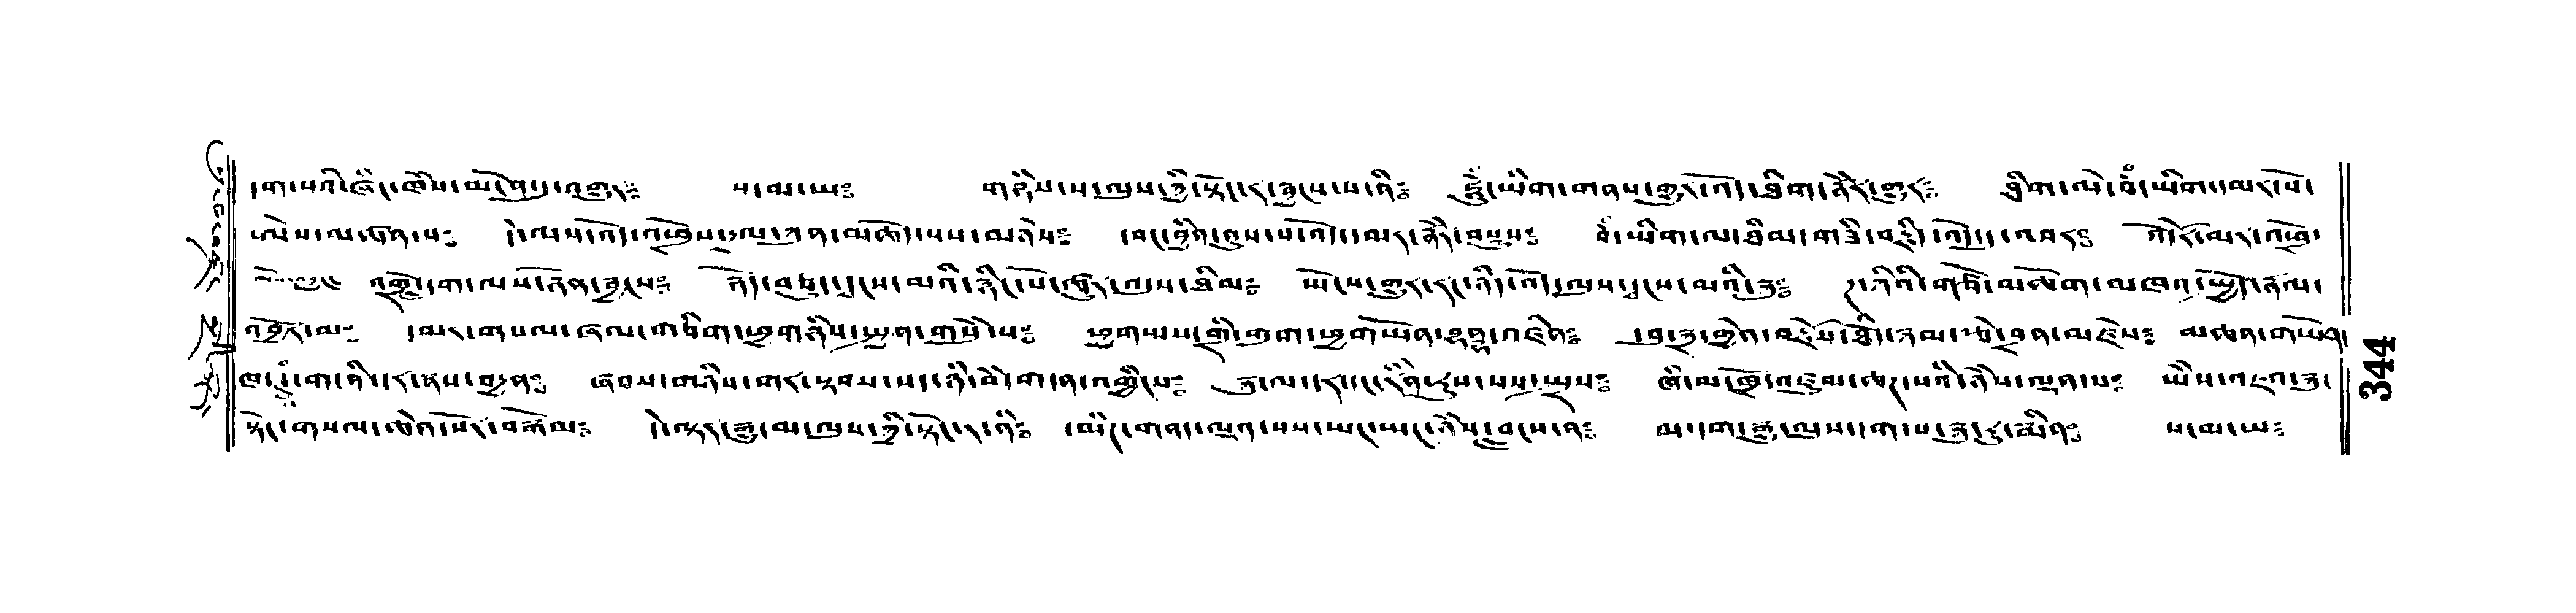དག་པའི་ཞིང་ཁམས་མངོན་དུ་འགྱུར༔ ས་མ་ཡ༔ གཉིས་པ་ལུས་ཀྱི་སྟོང་ར་སྦྱོང་པ་ནི༔ ཧཱུྃ་ཡིག་གནས་གྱུར་འོད་ཐིག་རྣམ་པར་གྱུར༔ ཐིག་ལེ་བྃ་ཡིག་དམར་པོ་
ཨེས་མཚན་པ༔ དེ་ལས་འོད་འཕྲོས་རྒྱལ་ཀུན་མཆོད་པས་མཉེས༔ དབང་བྱིན་ནུས་པ་འོད་དམར་རྣམ་པར་བསྡུས༔ བྃ་ཡིག་ལ་ཐིམ་གཟི་བརྗིད་འོད་དུ་འབར༔ འོད་ཟེར་མར་འཕྲོས་
འགྲོ་དྲུག་ལས་ཉོན་སྦྱངས༔སྣོད་བཅུད་དྭངས་མའི་སྙིང་པོ་ཚུར་འདུས་ཐིམ༔ ཡོངས་གྱུར་རང་ཉིད་འོད་ལུས་དྭངས་མའི་སྐུ༔ ཌཱ་ཀིའི་གཙོ་མཆོག་མཁའ་སྤྱོད་རྣལ་
འབྱོར་མ༔ དམར་གསལ་ཞལ་གཅིག་ཕྱག་གཉིས་སྤྱན་གསུམ་པ༔ ཕྱག་གཡས་གྲི་གུག་ཕྱག་གཡོན་བྷནྡྷ་འཛིན༔ དབུ་སྐྲ་གྱེན་བརྫེས་ཐོད་སྐམ་རྩེ་བྲན་མཛེས༔ མཆན་གཡོན་
ཁ་ཊྭཱཾ་ག་ནི་དར་སྣས་བརྒྱན༔ ཞབས་གཉིས་གར་སྟབས་པད་ཉི་བམ་གདན་འགྱིང༔ སྐུ་ལ་དར་དང་རིན་ཆེན་རུས་པས་སྤྲས༔ ཞི་མ་ཁྲོ་འཛུམ་ཆགས་པའི་ཉམས་ལྡན་པ༔ ཡེ་ཤེས་འཇའ་སྐུ་
སྟོང་གསལ་ཆེན་པོར་བསྒོམ༔ དེ་ལྟར་སྒྱུ་མ་ལུས་ཀྱི་སྟོང་ར་ནི༔ དམིགས་གནད་ལྡན་པས་ཡང་ཡང་ཉམས་བླངས་ན༔ མ་དག་སྒྱུ་ལུས་དག་པ་སྐུ་རུ་སྨིན༔ ས་མ་ཡ༔